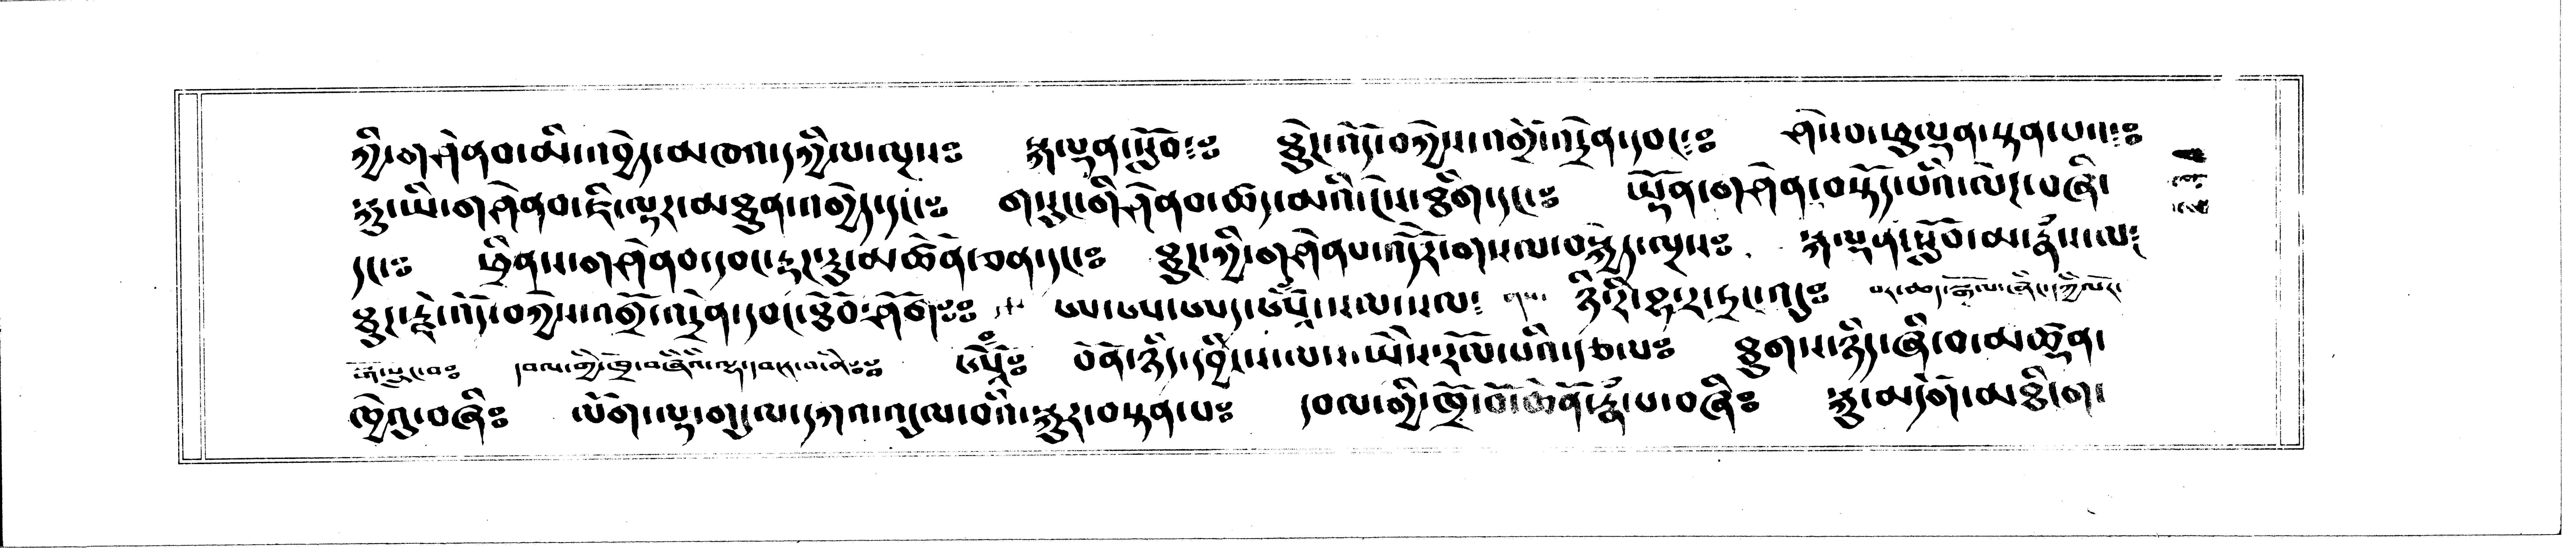ཀྱི་གཤེན་རབ་མི་འབྱེད་མཁའ་དཀྱིལ་དངཿ
སྐུ་ཡི་གཤེན་རབ་ཇི་ལྟར་མཐུན་འགྱེད་དངཿ གསུང་གི་གཤེན་རབ་ཚད་མའི་ངེས་ཐིག་དངཿ ཡོན་ཏན་གཤེན་རབ་བསྟོད་པའི་ལེགས་བཞི་
དངཿ ཕྲིན་ལས་གཤེན་རབ་དབང་རྟགས་རུ་མཚོན་དངཿ ཐུགས་ཀྱི་གཤེན་རབ་འོད་ཟེར་གསལ་བསྐྱེད་ལྔའིཿ སྐལ་ལྡན་སློབ་མ་རྣམས་ལ་
 ཐུགས་རྗེ་འོད་བཀྱེས་འགྲོ་འདྲེན་དབང་ཐོབ་ཤོགཿ ཨ་ཨ་ཨད་ཨཱོྃ་སལ་སལཿ ནསཿ ཉི་རི་བྷ་ར་ཏྲང་འདུཿབར་ཆད་སྒྲོལ་ཞིང་དཀྱིལ་འཁོར་
སྒོ་སྲུང་བཿ དབལ་གྱི་ཁྲོ་བཞིའི་ལྷ་དབང་བསྐུར་བ་ནིཿ ཨཱོྃཿ བོན་ཉིད་དབྱིངས་ལས་ཡེ་ཤེས་རོལ་པའི་རྩལཿ ཐུགས་ཉིད་ཞི་བ་མཚན་ལྡན
་ཁྱེའུ་བཞིཿ ལོག་ལྟ་གདུལ་དཀའ་འདུལ་བའི་སྐུར་བསྟན་པཿ དབལ་གྱི་ཁྲོ་བོ་ཆེན་པོ་རྣམ་པ་བཞིཿ སྐུ་མདོག་མཐིང་ནག་